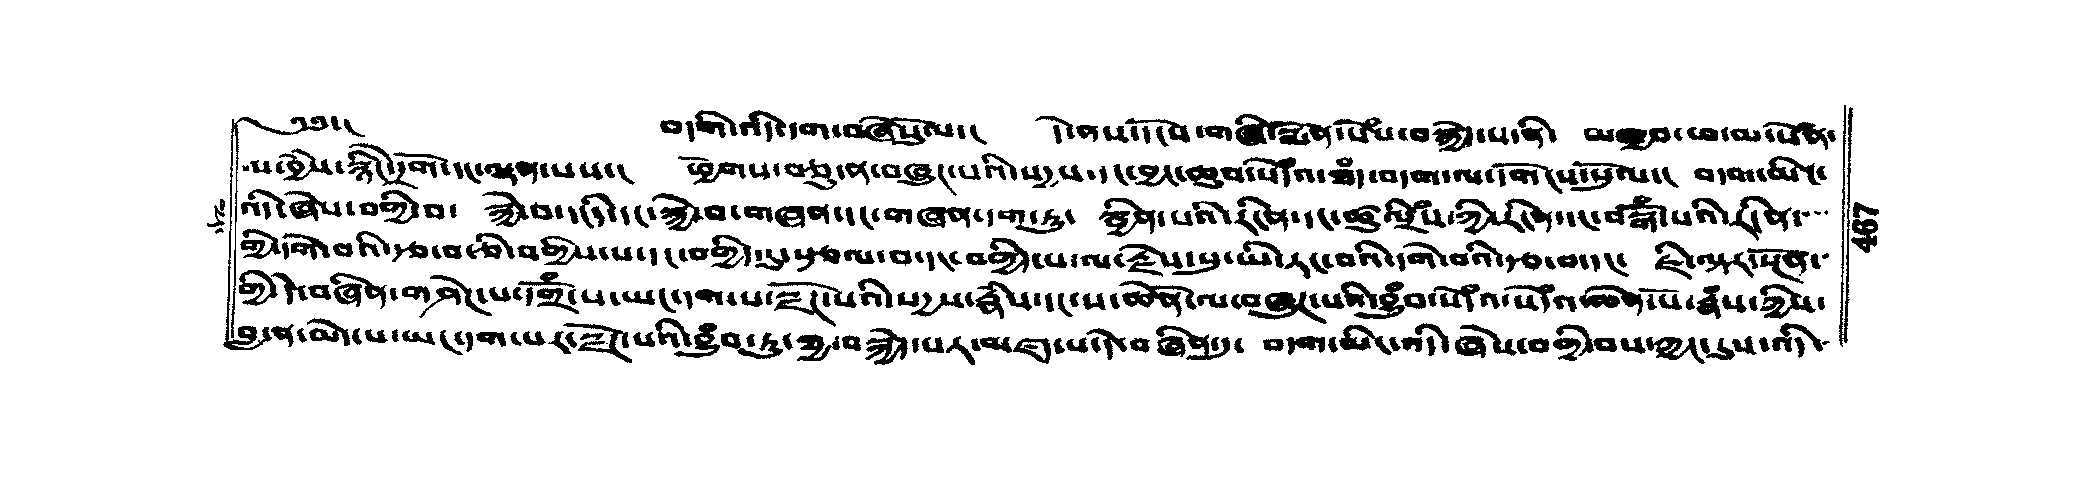བདག་གི་འདི་དག་བཞེས་སུ་གསོལ། །དེ་ནས་དངོས་གཞི་སེམས་བསྐྱེད་པ་ནི། མཁའ་ཁྱབ་སེམས་ཅན་
ལ་བྱམས་སྙིང་རྗེ་དྲག་པོ་དང་ལྡན་པས། ཕྱོགས་བཅུ་ན་བཞུགས་པའི་སངས་རྒྱས་དང་བྱང་ཆུབ་སེམས་དཔའ་ཐམས་ཅད་བདག་ལ་དགོངས་སུ་གསོལ། བདག་མིང་
འདི་ཞེས་བགྱི་བ། སྐྱེ་བ་འདི་དང་སྐྱེ་བ་གཞན་དང་གཞན་དག་ཏུ། སྦྱིན་པའི་རང་བཞིན་དང་ཚུལ་ཁྲིམས་ཀྱི་རང་བཞིན་བསྒོམ་པའི་རང་བཞིན་
གྱི་དགེ་བའི་རྩ་བ་ཅི་བགྱིས་པ་དང་བགྱིད་དུ་རྩལ་བ་དང་བགྱིད་པ་ལ་རྗེས་སུ་ཡི་རང་བའི་དགེ་བའི་རྩ་བ་དང་། ཇི་ལྟར་སྔོན་
གྱི་བདེ་བཞིན་གཤེགས་པ་དགྲ་བཅོམ་པ་ཡང་དག་པ་རྫོགས་པའི་སངས་རྒྱས་རྣམས་དང་ས་ཆེན་པོ་ལ་བཞུགས་པའི་བྱང་ཆུབ་སེམས་དཔའ་སེམས་དཔའ་ཆེན་པོ་རྣམས་ཀྱིས་
བླ་ན་མེད་པ་ཡང་དག་པར་རྫོགས་པའི་བྱང་ཆུབ་ཏུ་ཐུགས་བསྐྱེད་པར་མཛད་པ་དེ་བཞིན་དུ། བདག་མིང་འདི་ཞེས་བགྱི་བས་ཀྱང་དུས་འདི་